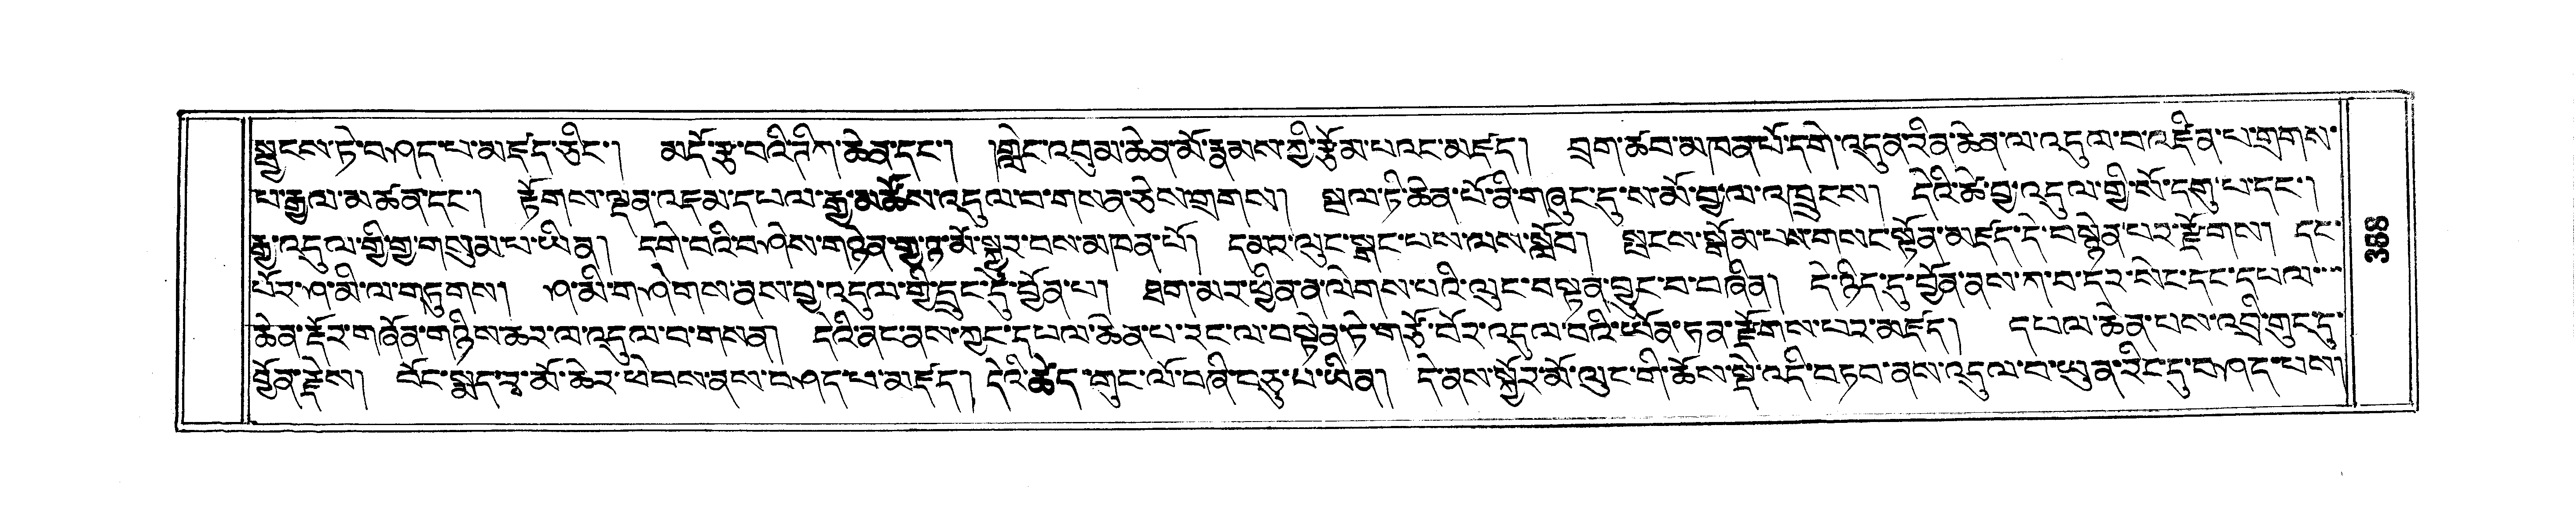སྦྱངས་ཏེ་བཤད་པ་མཛད་ཅིང་། མདོ་རྩ་བའི་ཊིཀ་ཆེན་དང་། །གླེང་འབུམ་ཆེན་མོ་རྣམས་ཀྱི་རྩོམ་པའང་མཛད། བྲག་ཚབ་མཁན་པོ་དགེ་འདུན་རིན་ཆེན་ལ་འདུལ་བ་འཛིན་པ་གྲགས་
པ་རྒྱལ་མཚན་དང་། རྟོགས་ལྡན་འཇམ་དཔལ་རྒྱ་མཚོས་འདུལ་བ་གསན་ཅེས་གྲགས། སྦལ་ཏི་ཆེན་པོ་ནི་གཞུང་དུ་ས་མོ་བྱ་ལ་འཁྲུངས། དེའི་ཚེ་བྱ་འདུལ་གྱི་སོ་དགུ་པ་དང་།
རྒྱ་འདུལ་གྱི་གྱ་གསུམ་པ་ཡིན། དགེ་བའི་བཤེས་གཉེན་གྱ་ཉ་མོ་སྐྱར་བས་མཁན་པོ། དམར་ལུང་སྒང་པས་ལས་སློབ། སྤངས་སྒོམ་པས་གསང་སྟོན་མཛད་དེ་བསྙེན་པར་རྫོགས། དང་
པོར་ཤ་མི་ལ་གཏུགས། ཤ་མི་གཤེགས་ནས་བྱ་འདུལ་གྱི་དྲུང་དུ་བྱོན་པ། ཐག་མར་ཕྱིན་ན་ལེགས་པའི་ལུང་བསྟན་བྱུང་བ་བཞིན། དེ་ཉིད་དུ་བྱོན་ནས་ཀ་བ་དར་སེང་དང་དཔལ་
ཆེན་རྡོར་གཞོན་གཉིས་ཆར་ལ་འདུལ་བ་གསན། དེའི་ནང་ནས་ཀྱང་དཔལ་ཆེན་པ་རང་ལ་བསྟེན་ཏེ་གཙོ་བོར་འདུལ་བའི་ཡོན་ཏན་རྫོགས་པར་མཛད། དཔལ་ཆེན་པས་འབྲི་གུང་དུ་
བྱོན་རྗེས། བོང་སྨད་རྭ་མོ་ཆེར་ཕེབས་ནས་བཤད་པ་མཛད། དེའི་ཚེད་གུང་ལོ་བཞི་བཅུ་པ་ཡིན། དེ་ནས་སྐྱོར་མོ་ལུང་གི་ཆོས་སྡེ་འདི་བཏབ་ནས་འདུལ་བ་ཡུན་རིང་དུ་བཤད་པས།